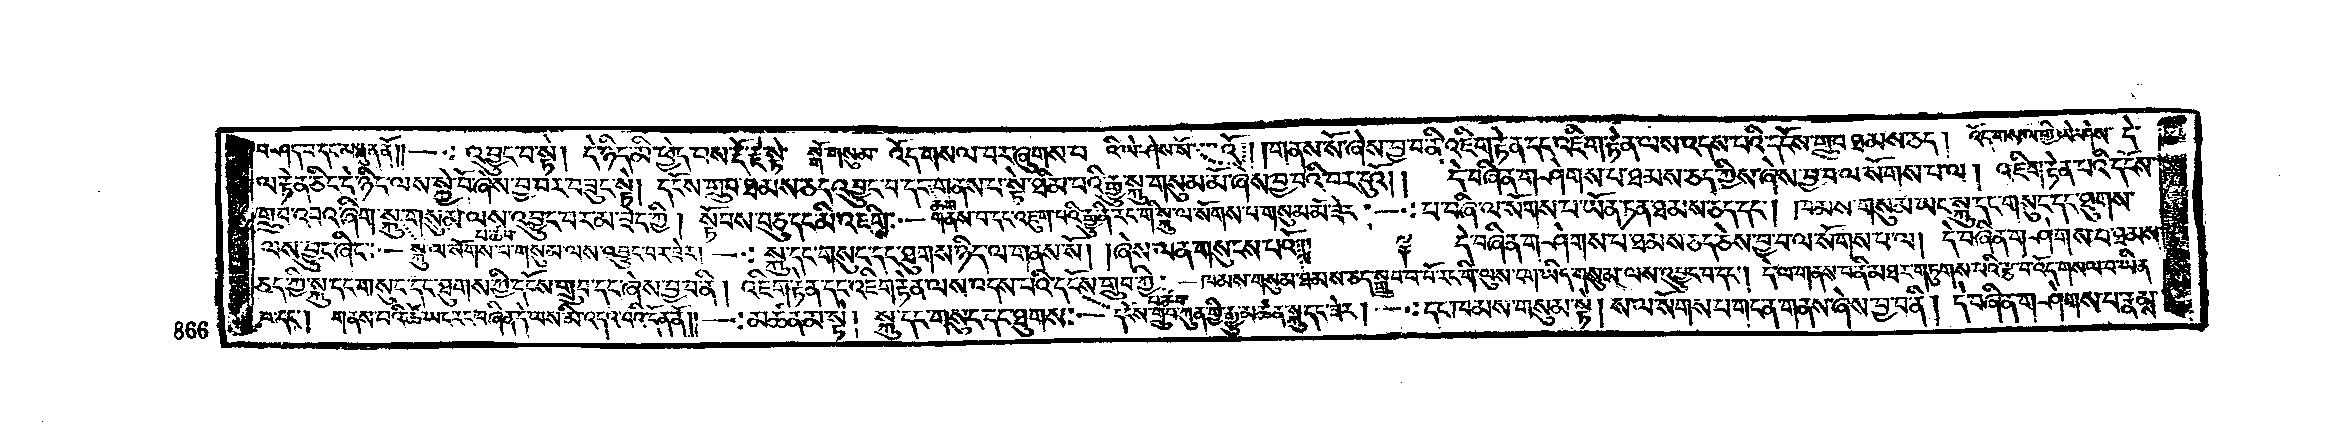བཤད་པ་དང་མཐུན་ནོ།། .H འབྱུང་བ་སྟེ། དེ་ཉིད་མི་ཕྱེད་པས་རྡོ་རྗེ་སྟེ་སྒོ་གསུམ་འོད་གསལ་བར་ཞུགས་པའི་ཡེ་ཤེས་སོའོ། །གནས་སོ་ཞེས་བྱ་བ་ནི་འཇིག་རྟེན་དང་འཇིག་རྟེན་ལས་འདས་པའི་དངོས་གྲུབ་ཐམས་ཅད། འོད་གསལ་གྱི་ཡེ་ཤེས་དེ་
ལ་རྟེན་ཅིང་དེ་ཉིད་ལས་སྐྱེ་བོ་ཞེས་བྱ་བར་བཟུང་སྟེ། དངོས་གྲུབ་ཐམས་ཅད་འབྱུང་བ་དང་གནས་པ་སྟེ་ཐིམ་པའི་རྒྱུ་སྐུ་གསུམ་མོ་ཞེས་བྱ་བའི་བར་དུའོ། །དེ་བཞིན་གཤེགས་པ་ཐམས་ཅད་ཀྱིས་ཞེས་བྱ་བ་ལ་སོགས་པ་ལ། འཇིག་རྟེན་པའི་དངོས་
གྲུབ་འབའ་ཞིག་སྐུ་གསུམ་ལས་འབྱུང་བར་མ་ཟད་ཀྱི། སྟོབས་བཅུ་དང་མི་འཇིགསཿ་ཆག་གནས་པ་དང་འཇུག་པའི་རྒྱུ་ནི་རང་གི་སྐུ་ལ་སོགས་པ་གསུམ་མོ་ཟེར། .Hཔ་བཞི་ལ་སོགས་པ་ཡོན་ཏན་ཐམས་ཅད་དང་། ཁམས་གསུམ་ཡང་སྐུ་དང་གསུང་དང་ཐུགས་
ལས་བྱུང་ཞིང་H.་སྐུ་ལ་སོགས་པ་པ་ཚབ་གསུམ་ལས་འབྱུང་བར་ཟེར། .Hསྐུ་དང་གསུང་དང་ཐུགས་ཉིད་ལ་གནས་སོ། །ཞེས་ལན་གསུངས་པའོ།། ༈ དེ་བཞིན་གཤེགས་པ་ཐམས་ཅད་ཅེས་བྱ་བ་ལ་སོགས་པ་ལ། དེ་བཞིན་གཤེགས་པ་ཐམས་
ཅད་ཀྱི་སྐུ་དང་གསུང་དང་ཐུགས་ཀྱི་དངོས་གྲུབ་དང་ཞེས་བྱ་བ་ནི། འཇིག་རྟེན་དང་འཇིག་རྟེན་ལས་འདས་པའི་དངོས་གྲུབ་ཀྱིཿ་ཁམས་གསུམ་ཐམས་ཅད་སྒྲུབ་པ་པོ་རང་གི་ལུས་ངག་ཡིད་གསུམ་ལས་འབྱུང་བ་དང་། དེ་ལ་གནས་པ་ནི་མཐར་གཏུགས་པའི་རྩ་བ་འོད་གསལ་བ་ཡིན་
པ་དང་། གནས་པའི་ཚེ་ཡང་རང་བཞིན་དེ་ལས་མི་འདའ་བའི་དོན་ནོ།། .Hམཚན་མ་སྟེ། སྐུ་དང་གསུང་དང་ཐུགསཿ་དངོས་གྲུབ་པ་ཚབ་ཀུན་གྱི་རྒྱུ་མཚན་སྐུ་དང་ཟེར། .Hདང་ཁམས་གསུམ་སྟེ། ས་ལ་སོགས་པ་གང་ན་གནས་ཞེས་བྱ་བ་ནི། དེ་བཞིན་གཤེགས་པ་རྣམས་